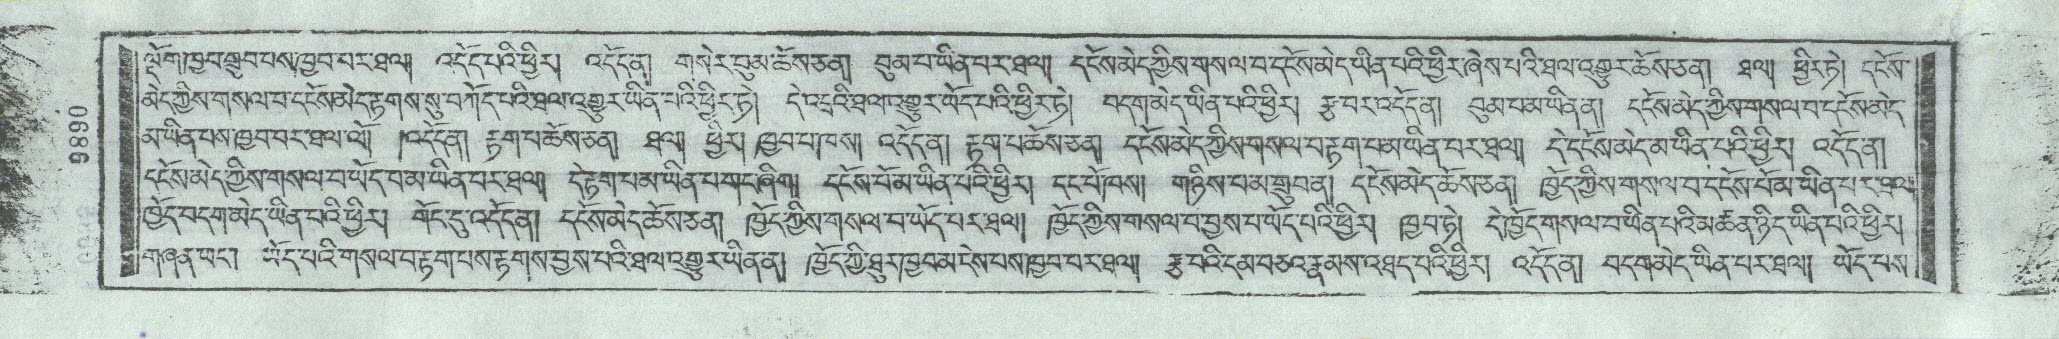ལྡོག་ཁྱབ་གྲུབ་པས་ཁྱབ་པར་ཐལ། འདོད་པའི་ཕྱིར། འདོད་ན། གསེར་བུམ་ཆོས་ཅན། བུམ་པ་ཡིན་པར་ཐལ། དངོས་མེད་ཀྱིས་གསལ་བ་དངོས་མེད་ཡིན་པའི་ཕྱིར་ཞེས་པའི་ཐལ་འགྱུར་ཆོས་ཅན། ཐལ། ཕྱིར་ཏེ། དངོས་
མེད་ཀྱིས་གསལ་བ་དངོས་མེད་རྟགས་སུ་བཀོད་པའི་ཐལ་འགྱུར་ཡིན་པའི་ཕྱིར་ཏེ། དེ་འདྲའི་ཐལ་འགྱུར་ཡོད་པའི་ཕྱིར་ཏེ། བདག་མེད་ཡིན་པའི་ཕྱིར། རྩ་བར་འདོད་ན། བུམ་པ་མ་ཡིན་ན། དངོས་མེད་ཀྱིས་གསལ་བ་དངོས་མེད་
མ་ཡིན་པས་ཁྱབ་པར་ཐལ་ལོ། །འདོད་ན། རྟག་པ་ཆོས་ཅན། ཐལ། ཕྱིར། ཁྱབ་པ་ཁས། འདོད་ན། རྟག་པ་ཆོས་ཅན། དངོས་མེད་ཀྱིས་གསལ་བ་རྟག་པ་མ་ཡིན་པར་ཐལ། དེ་དངོས་མེད་མ་ཡིན་པའི་ཕྱིར། འདོད་ན།
དངོས་མེད་ཀྱིས་གསལ་བ་ཡོད་པ་མ་ཡིན་པར་ཐལ། དེ་རྟག་པ་མ་ཡིན་པ་གང་ཞིག། དངོས་པོ་མ་ཡིན་པའི་ཕྱིར། དང་པོ་ཁས། གཉིས་པ་མ་གྲུབ་ན། དངོས་མེད་ཆོས་ཅན། ཁྱོད་ཀྱིས་གསལ་བ་དངོས་པོ་མ་ཡིན་པར་ཐལ།
ཁྱོད་བདག་མེད་ཡིན་པའི་ཕྱིར། གོང་དུ་འདོད་ན། དངོས་མེད་ཆོས་ཅན། ཁྱོད་ཀྱིས་གསལ་བ་ཡོད་པར་ཐལ། ཁྱོད་ཀྱིས་གསལ་བ་བྱས་པ་ཡོད་པའི་ཕྱིར། ཁྱབ་ཏེ། དེ་ཁྱོད་གསལ་བ་ཡིན་པའི་མཚན་ཉིད་ཡིན་པའི་ཕྱིར།
གཞན་ཡང་། ཡོད་པའི་གསལ་བ་རྟག་པས་རྟགས་བྱས་པའི་ཐལ་འགྱུར་ཡིན་ན། ཁྱོད་ཀྱི་ཐུར་ཁྱབ་མ་ངེས་པས་ཁྱབ་པར་ཐལ། རྩ་བའི་དམ་བཅའ་རྣམས་འཐད་པའི་ཕྱིར། འདོད་ན། བདག་མེད་ཡིན་པར་ཐལ། ཡོད་པས་